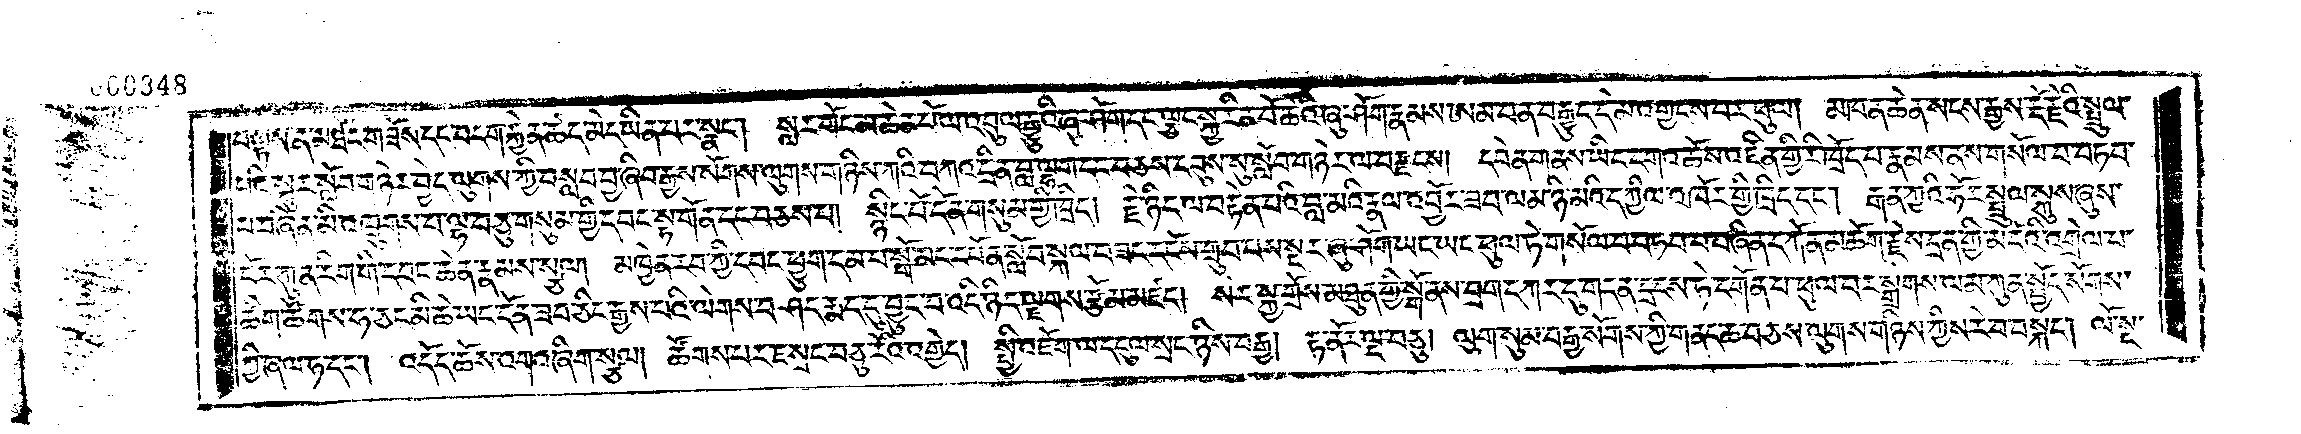བལྟས་ན་མཐོང་གཟོས་དང་བདག་རྐྱེན་ཚད་མེད་ཡིན་པར་སྣང་། སླར་གོང་མ་ཆེན་པོ་ལ་འབུལ་རྒྱུའི་ཞུ་ཤོག་དང་ལྕང་སྐྱ་རིན་པོ་ཆེའི་ཞུ་ཤོག་རྣམས་ཨམ་བན་བརྒྱུད་དེ་མ་འགྱངས་པར་ཕུལ། མཁན་ཆེན་སངས་རྒྱས་རྡོ་རྗེའི་སྤྲུལ་
པའི་སྐུར་སློབ་གཉེར་བྱེད་ལུགས་ཀྱི་བསླབ་བྱ་ཞིབ་རྒྱས་སོགས་ལུགས་གཉིས་ཀའི་བཀའ་དྲིན་བླ་ལྷག་དང་བཅས་དབུས་སུ་སློབ་གཉེར་ལ་བརྫངས། དབེན་གནས་ཡིང་དགའ་ཆོས་འཛིན་གྱི་རི་ཁྲོད་པ་རྣམས་ནས་གསོལ་བ་བཏབ་
པ་བཞིན་མི་འཁྲུགས་པ་ལྷ་བཅུ་གསུམ་གྱི་དབང་སྟ་གོན་དང་བཅས་པ། སྙིང་པོ་དོན་གསུམ་གྱི་ཁྲིད། རྗེ་ཉིད་ལ་བརྟེན་པའི་བླ་མའི་རྣལ་འབྱོར་ཟབ་ལམ་ཉི་མའི་དཀྱིལ་འཁོར་གྱི་ཁྲིད་དང་། རྒན་ཀྱའི་ཧོར་སྤྲུལ་སྐུས་ཞུས་
ངོར་ཀུན་རིག་གི་དབང་ཆེན་རྣམས་སྩལ། མཁྱེན་རབ་ཀྱི་དབང་ཕྱུག་དམ་པ་སྒོ་མང་དཔོན་སློབ་སྐལ་བཟང་དངོས་གྲུབ་པས་སྔར་ཞུ་ཤོག་ཡང་ཡང་ཕུལ་ཏེ་གསོལ་བ་བཏབ་པ་བཞིན་དཀོན་མཆོག་རྗེས་དྲན་གྱི་མདོའི་འགྲེལ་པ་
ཚིག་ཚོགས་ཧ་ཅང་མི་ཆེ་ཡང་དོན་ཟབ་ཅིང་རྒྱས་པའི་ལེགས་བཤད་རྨད་དུ་བྱུང་བ་འདི་ཉིད་ལྗགས་རྩོམ་མཛད། སེར་སྐྱ་གྲོས་མཐུན་གྱི་སྒོ་ནས་བྲག་དཀར་དུ་གདན་དྲངས་ཏེ་དགོན་པ་ཕུལ་བར་སྒྲིགས་ལམ་ཀུན་སྤྱོད་སོགས་
ཀྱི་ཞལ་ཧ་དང་། འདོད་ཆོས་འགའ་ཞིག་སྩལ། ཚོགས་པར་ཇ་སྲང་བཅུ་རེའི་འགྱེད། སྤྱི་འཇོག་ལ་དངུལ་སྲང་ཉིས་བརྒྱ། རྟ་ནོར་ལྔ་བཅུ། ལུག་སུམ་བརྒྱ་སོགས་ཀྱི་གནད་ཆ་བཅས་ལུགས་གཉིས་ཀྱིས་རེ་བ་བསྐང་། ལོ་སྔ་